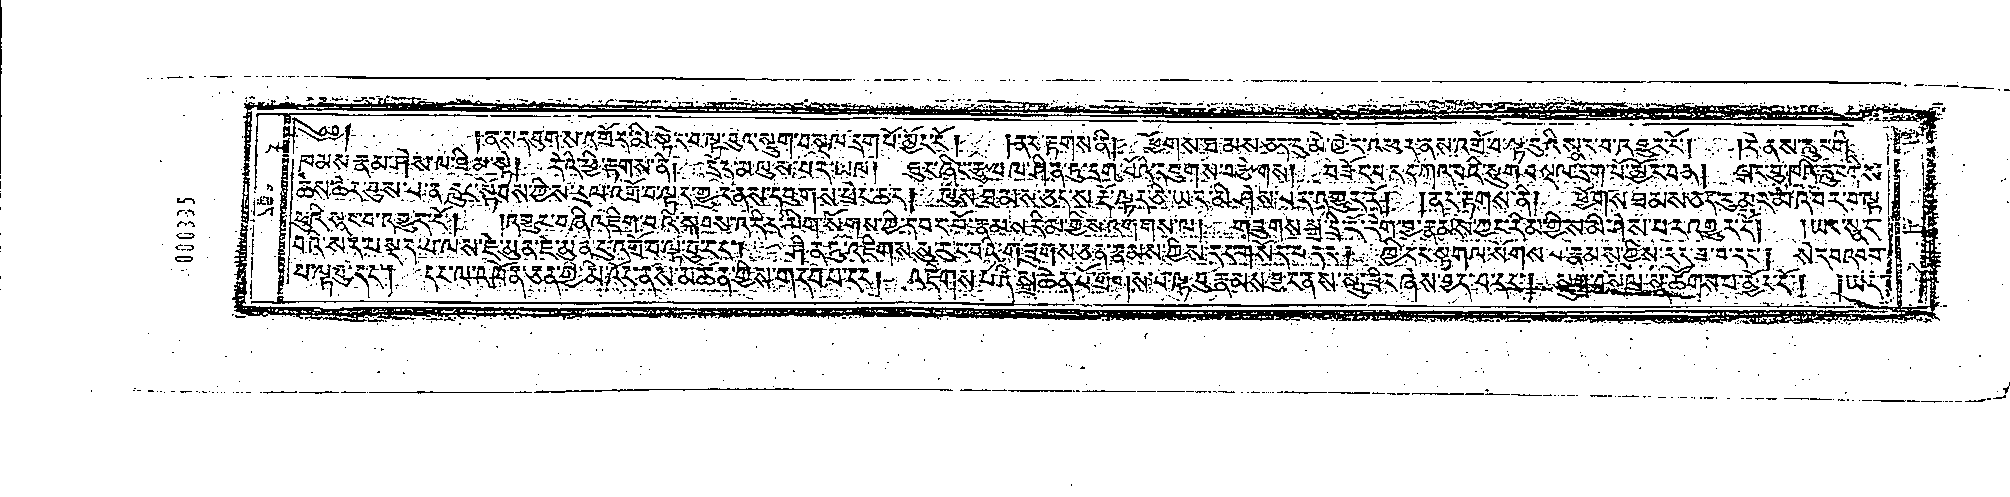༄༅། །ནས་དབུགས་འགྲོད་མི་སྟེང་བ་ལྟ་བུའི་སྡུག་བསྔལ་དྲག་པོ་མྱོང་ངོ། །ནང་རྟགས་ནི། ཕྱོགས་ཐམས་ཅད་དུ་མེ་ཁྱེར་འཕུར་ནས་འགྲོ་བ་ལྟ་བུའི་སྣང་བ་འབྱུང་ངོ། །དེ་ནས་རླུང་གི་
ཁམས་རྣམ་ཤེས་ལ་ཐིམ་སྟེ། དེའི་ཕྱི་རྟགས་ནི། དྲོད་མ་ལུས་པར་ཡལ། ཐུང་ཞིང་རྩུབ་ལ་ཤིན་ཏུ་དྲག་པོའི་དབུགས་བརྩེགས། བཟོད་པར་དཀའ་བའི་སྡུག་བསྔལ་དྲག་པོ་མྱོང་བ་ན། ལྒང་བུ་ཁའི་རླུང་གིས་
ཆེས་ཆེར་བུས་པ་ན་རླུང་སྟོབས་ཀྱིས་དྲལ་འགྲོ་བ་ལྟར་གྱུར་ནས་དབུགས་ཕྲེང་ཆད། ལུས་ཐམས་ཅད་ས་རྡོ་ལྟར་ཅི་ཡང་མི་ཤེས་པར་འགྱུར་རོ། །ནང་རྟགས་ནི། ཕྱོགས་ཐམས་ཅད་དུ་མར་མེ་འབར་བ་ལྟ་
ཕུའི་སྣང་བ་འབྱུང་ངོ། །འབྱུང་བཞི་འཇིག་པའི་སྐབས་འདིར་མིག་སོགས་ཀྱི་དབང་པོ་རྣམས་རིམ་གྱིས་འགགས་ལ། གཟུགས་སྒྲ་དྲི་རོ་རེག་བྱ་རྣམས་ཀྱང་རིམ་གྱིས་མི་ཤེས་པར་འགྱུར་རོ། །ཡང་སྣང་
བའི་སར་བསྡད་པ་ལས་ཇེ་མུན་ཇེ་མུན་དུ་འགྲོ་བ་ལྟ་བུ་དང་། ཤིན་ཏུ་འཇིགས་སུ་རུང་བའི་གཟུགས་ཅན་རྣམས་ཀྱིས་རང་གསོད་པ་དང་། ཁྱི་དང་སྟག་ལ་སོགས་པ་རྣམས་ཀྱིས་རང་ཟ་བ་དང་། སེར་བ་འབབ་
པ་ལྟ་བུ་དང་། རང་ལ་འཁོན་ཅན་གྱི་མི་འོང་ནས་མཚོན་གྱིས་གདབ་པ་དང་། འཇིགས་པའི་སྒྲ་ཆེན་པོ་གྲགས་པ་ལྟ་བུ་རྣམས་བྱུང་ནས་སྤུ་ཟིང་ཞེས་བྱེད་བ་དང་། སྡུག་བསྔལ་སྣ་ཚོགས་པ་མྱོང་ངོ། །ཡང་